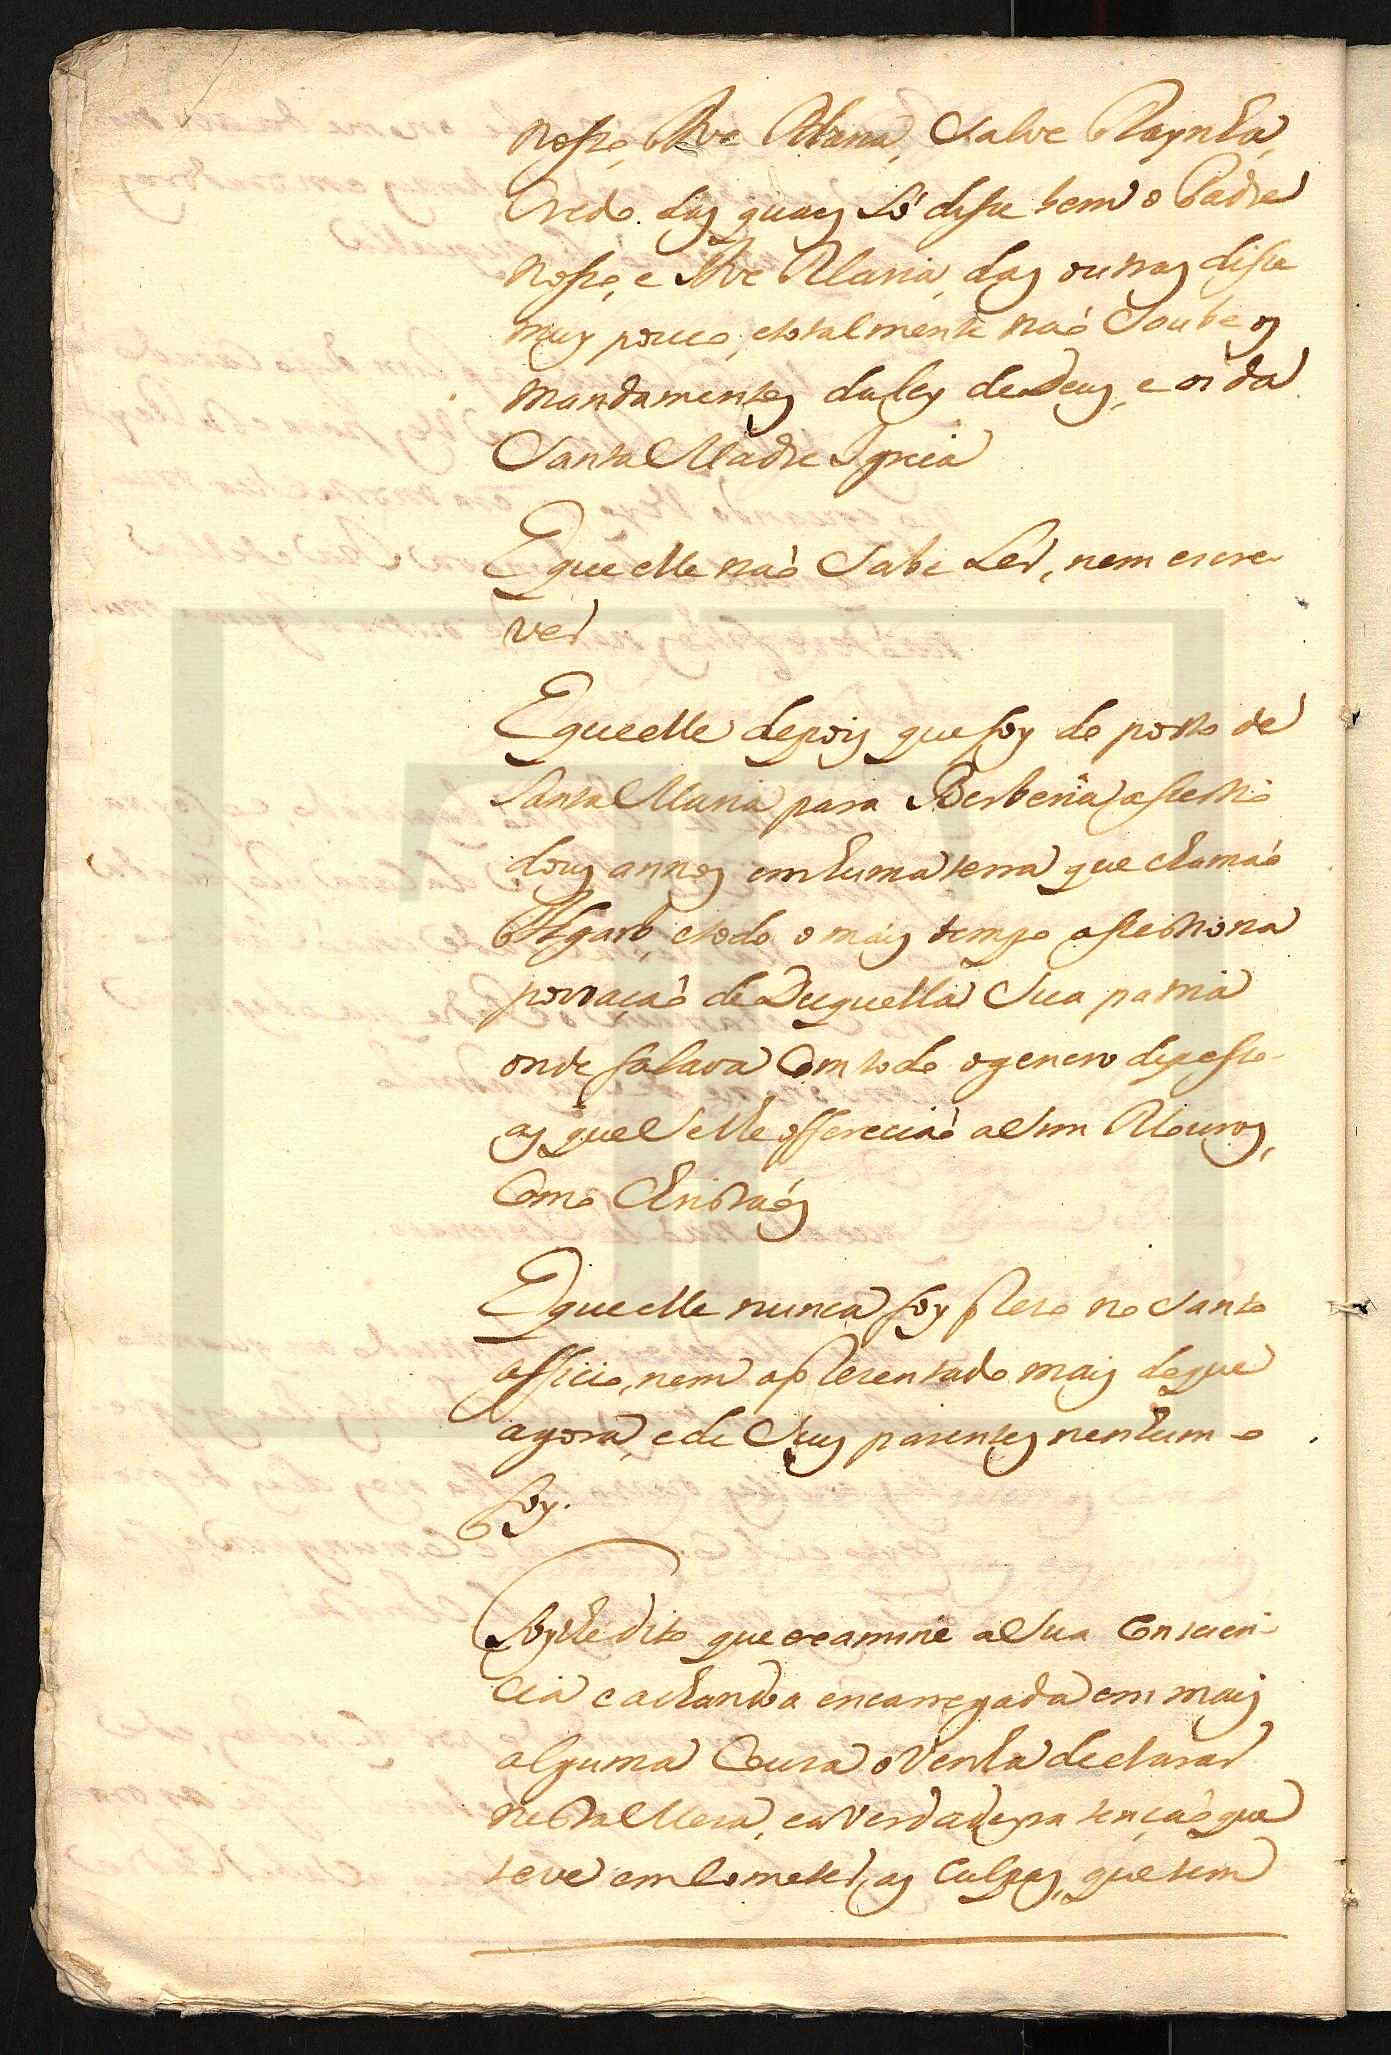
nosso, Ave Maria, Salve Raynha,
Credo. das quaes só disse bem o Padre
nosso, e Ave Maria, das outras disse
muy pouco, e totalmente naõ soube os
mandamentos da ley de Deus, e os da
Santa Madre Igreia
E que elle naõ sabe Ler, nem escre
ver
E que elle depois que foy do porto de
Santa Maria para Berberia assestio
dous annos em huma terra que chamaõ
Algarb, e todo o mais tempo asestio na
povoaçaõ de Duquella Sua patria
onde falava com todo o genero de pesso
as que se lhe offereciaõ asim Mouros,
Como Christaõs
E que elle nunca foy pRezo no santo
officio, nem apRezentado mais do que
agora, e de seus parentes nenhum o
foy.
Foylhe dito que examine a sua conscien
cia, e achandoa encarregada em mais
alguma couza o venha declarar
nesta Meza, e a verdadeyra tençaõ que
teve em cometer as culpas, que tem
